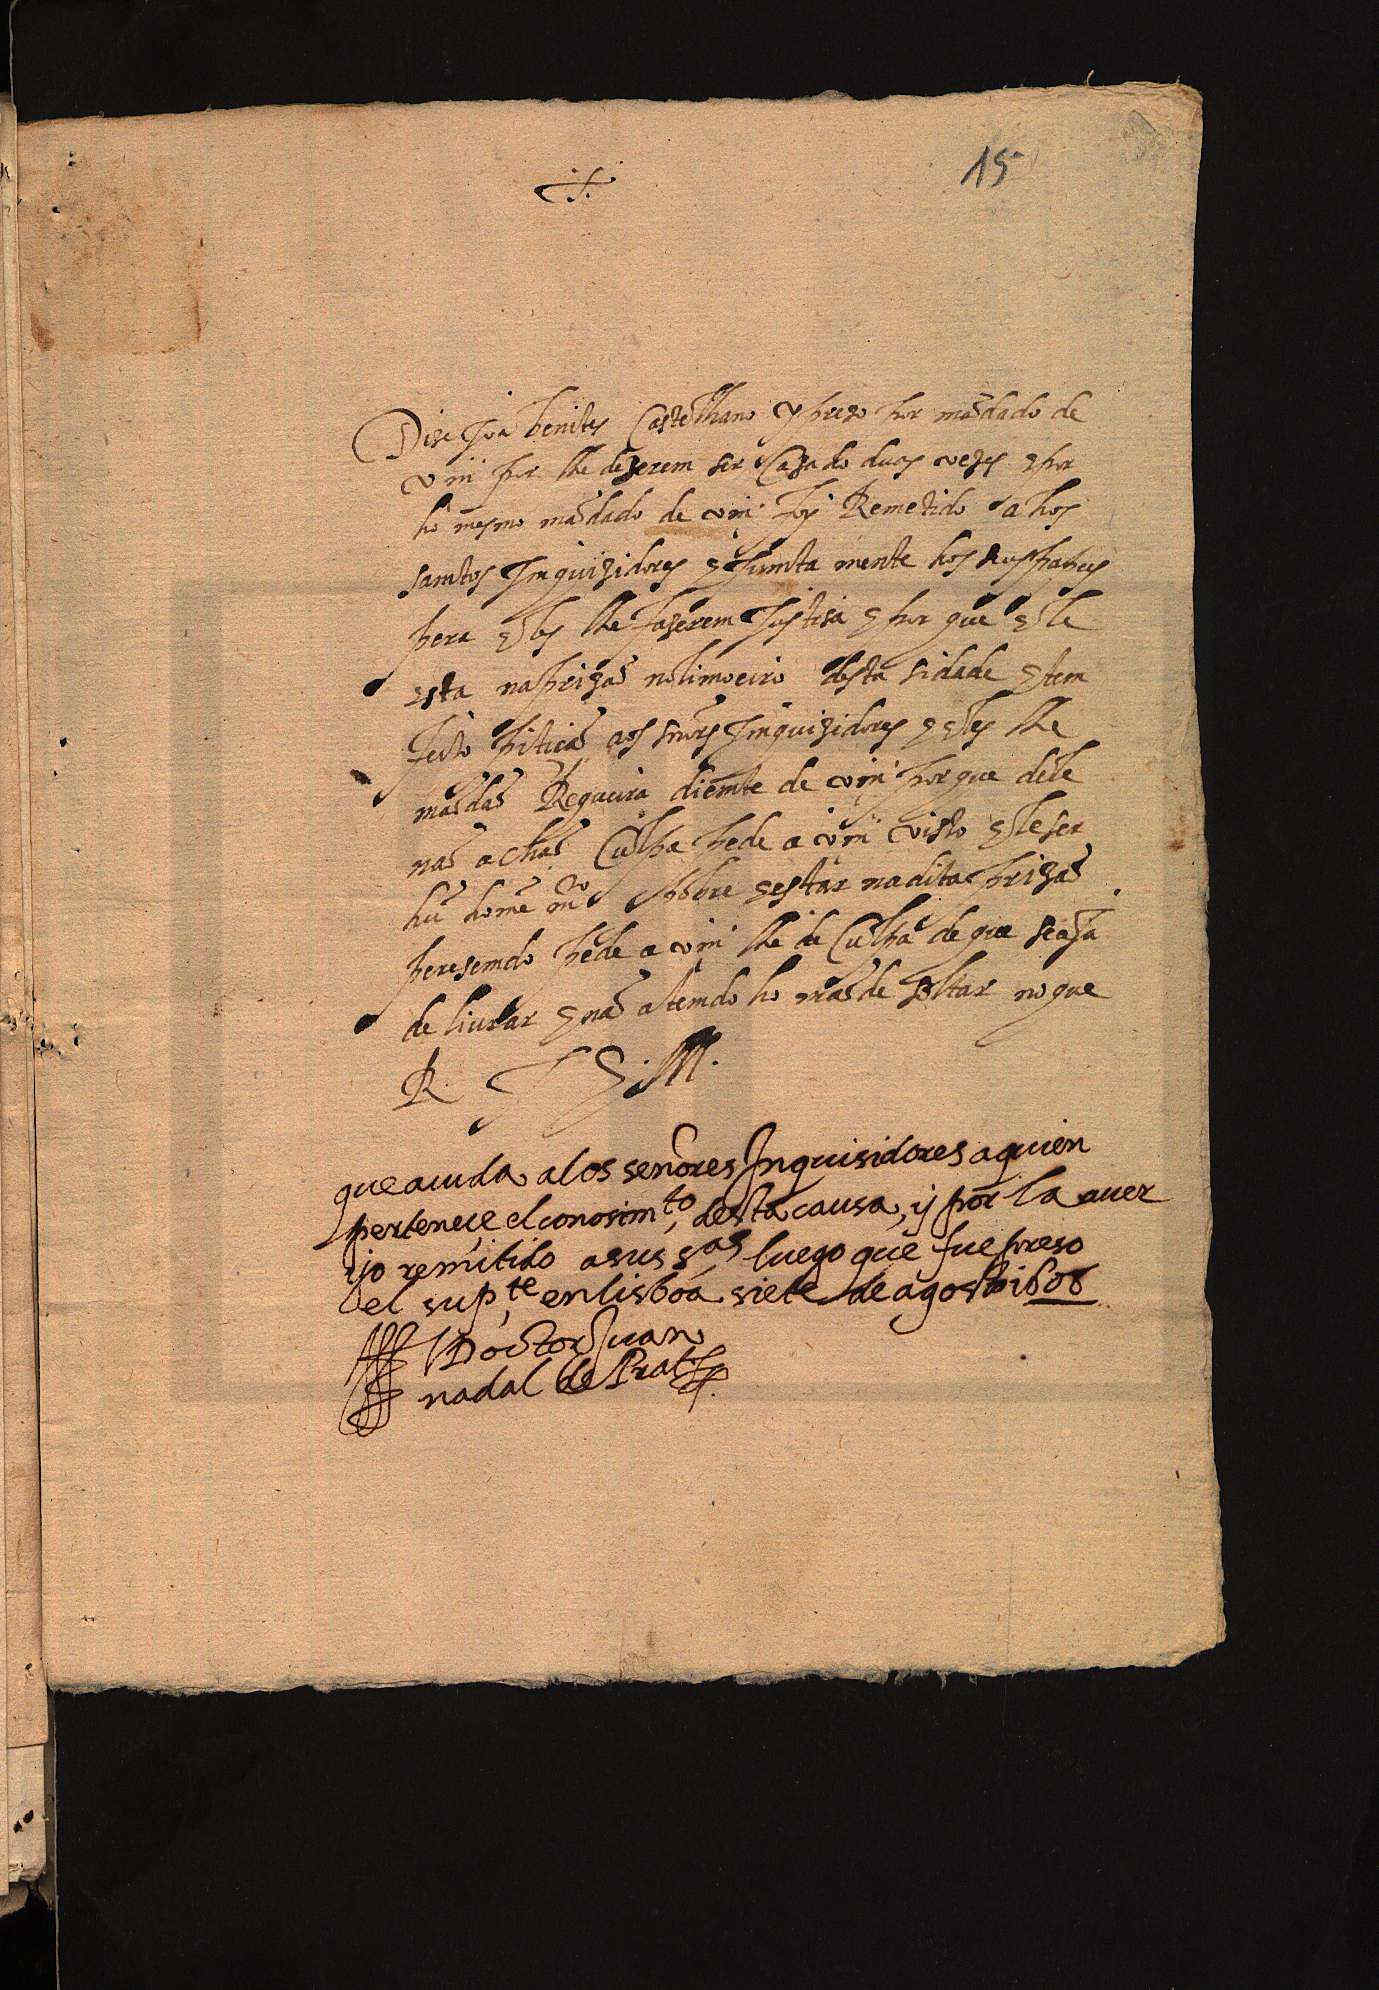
Dise Juā benites Castelhano y prezo por maõdado de
v m por lhe dezerem ser Casado duas vezes E por
ho mesmo maõdado de v m foy Remetido a hos
samtos Jmquizidores E Jumtamente hos seus papeis
pera Eles lhe fazerem Justisa E porque Ele
Esta na prizaõ no limoeiro desta sidade E tem
feito pitiçaõ aos snor̄s Jmquizidores E Eles lhe
maõdaõ Requeira diemte de v m porque dele
naõ achaõ Culpa pede a v m visto Ele ser
hū homē mto pobre E estar na dita prizaõ
peresemdo pede a v m lhe de Culpa de que se aJa
de liurar E naõ a temdo ho maõde soltar no que
R. J E. M.
que aiuda a los senōres Jnquisidores a quien
pertenece el conosimto, desta causa, y por la auer
ijo remitido a sus sas, luego que fue preso
el supte, en lisboa siete de agosto i608
Doctor Juan
nadal de Pratꝭ
